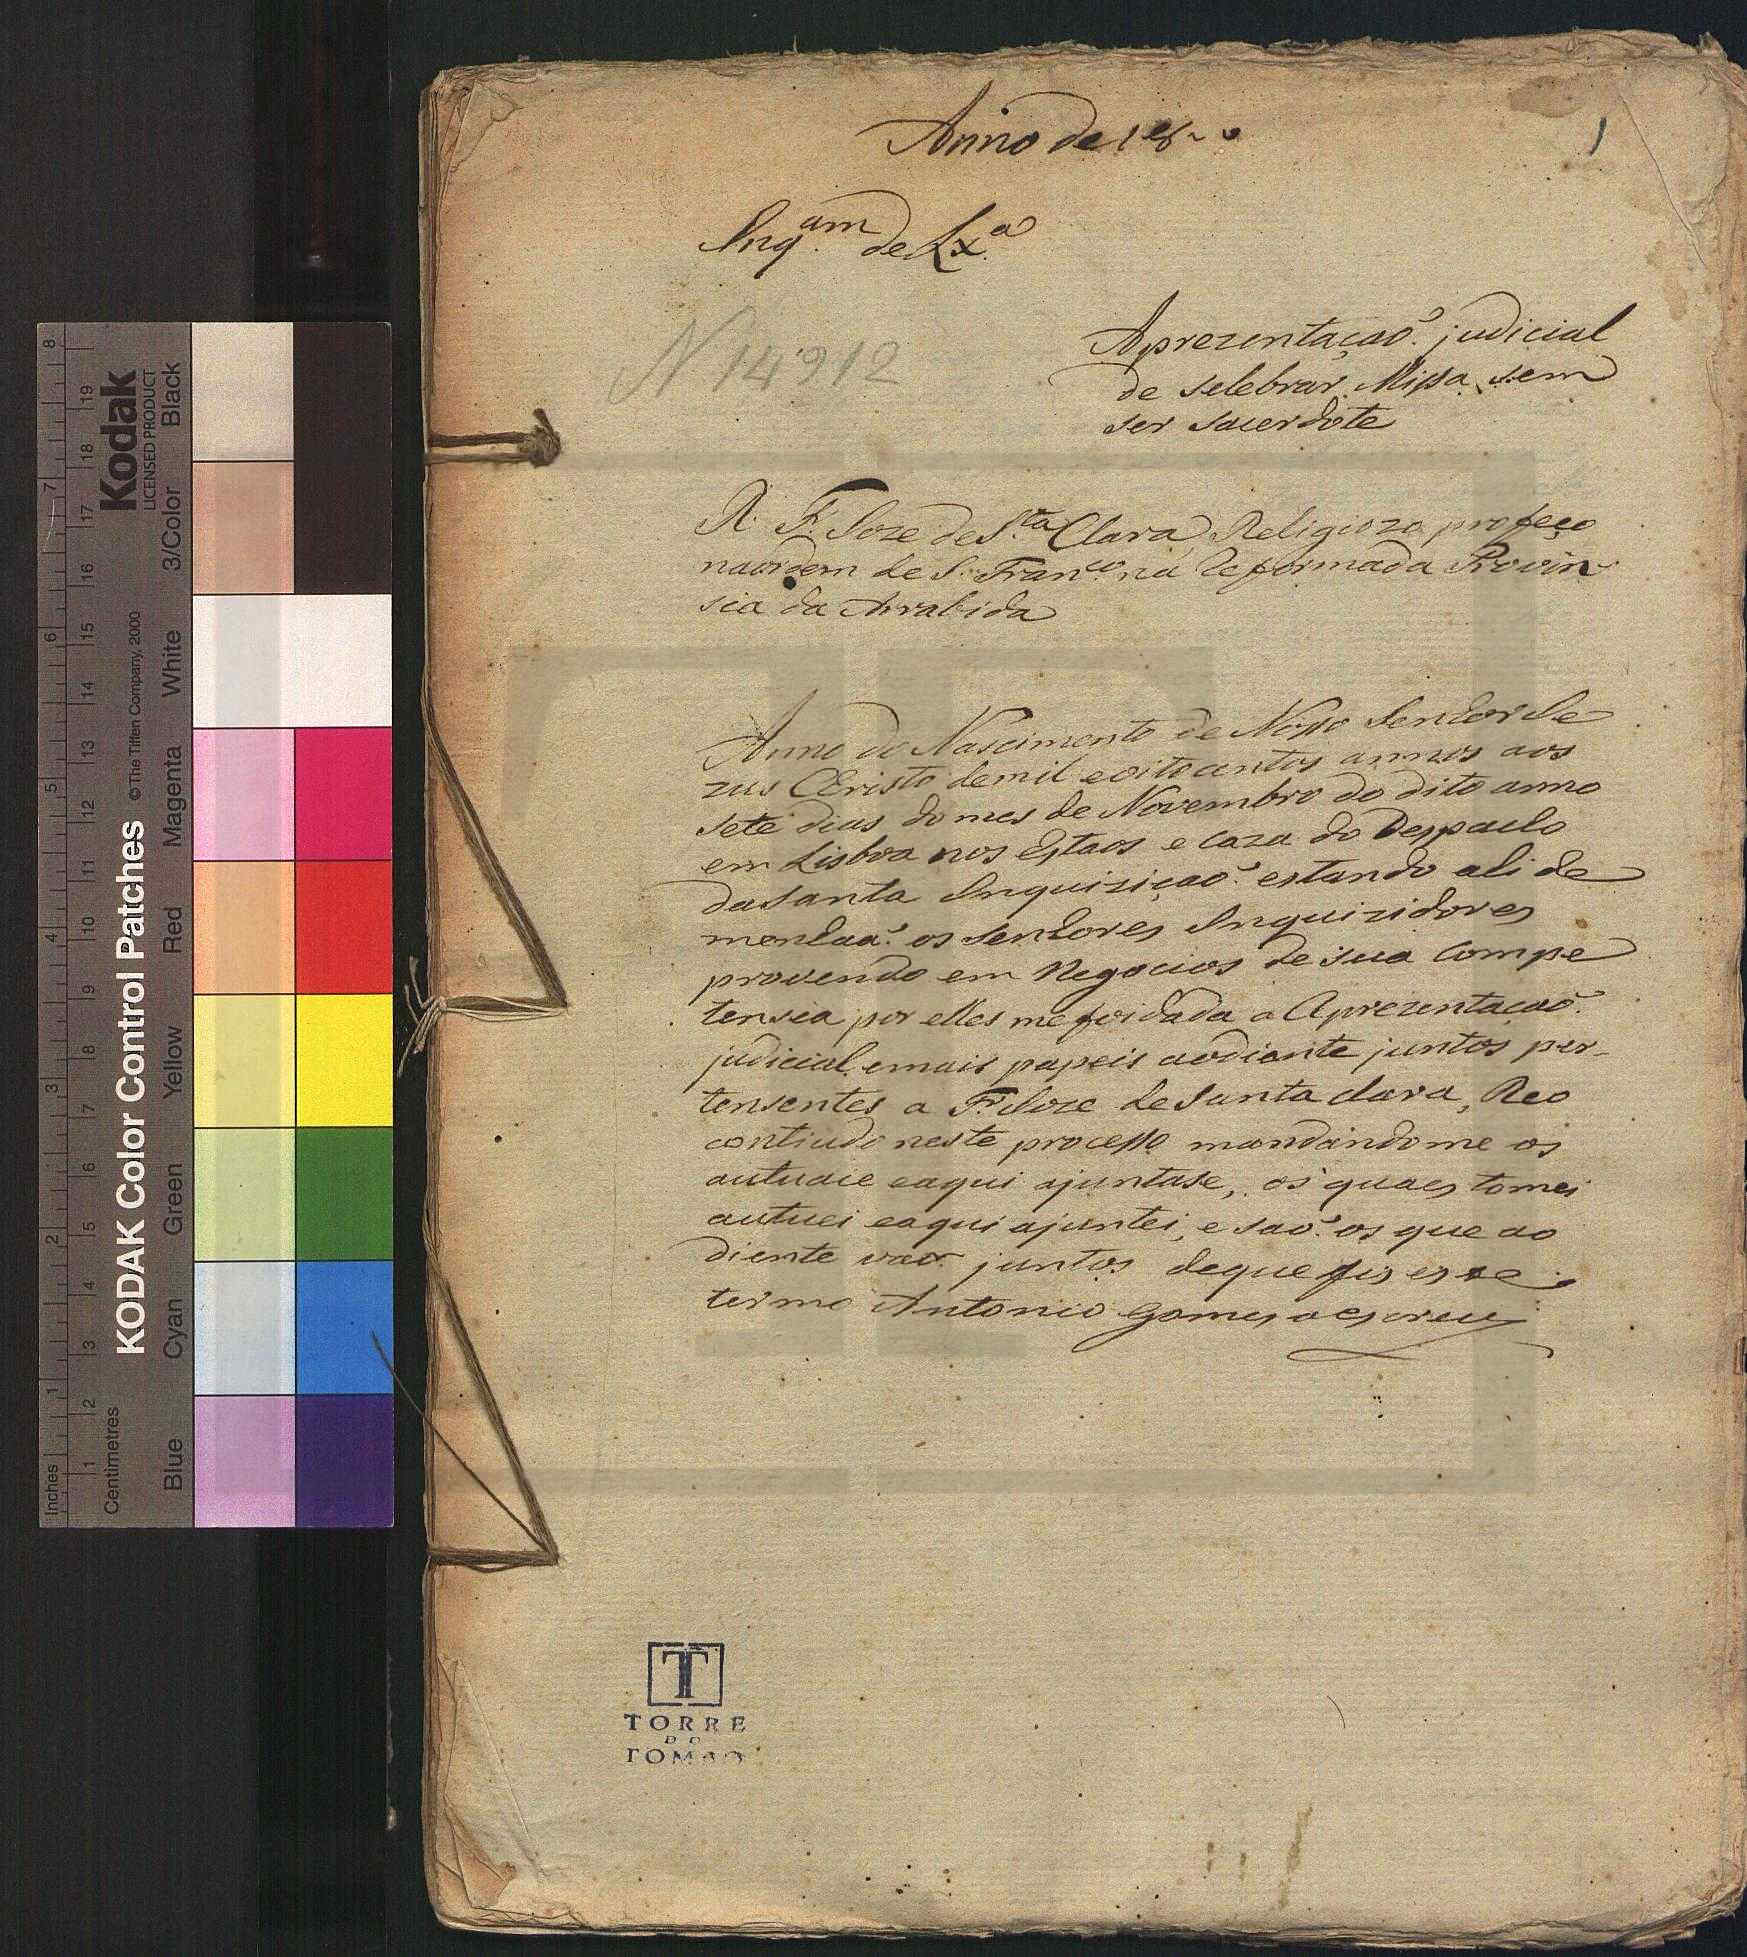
Anno de 1810
Inq.am de Lx.a
Aprezentaçaõ judicial
de selebrar Missa sem
ser sacerdote
R. Fr. Ioze de S.ta Clara, Religiozo profeço
na ordem de S. Fran.co na Reformada Provin
sia da Arrabida
Anno do Nascimento de Nosso Senhor Ie
zus Christo de mil e oitocentos annos aos
sete dias do mes de Novembro do dito anno
em Lisboa nos Estaos e caza do Despacho
da santa Inquiziçaõ estando ahi de
menhaã os senhores Inquizidores
provendo em negocios de sua compe
tensia por elles me foi dada a Aprezentaçaõ
judicial e mais papeis ao diante juntos per
tensentes a F.r loze de Santa clara, Reo
conteudo neste processo mandandome os
autuace e aqui ajuntase, os quaes tomei
autuei e aqui ajuntei, e saõ os que ao
diante vaõ juntos de que fis este
termo Antonio Gomes o escreuj
